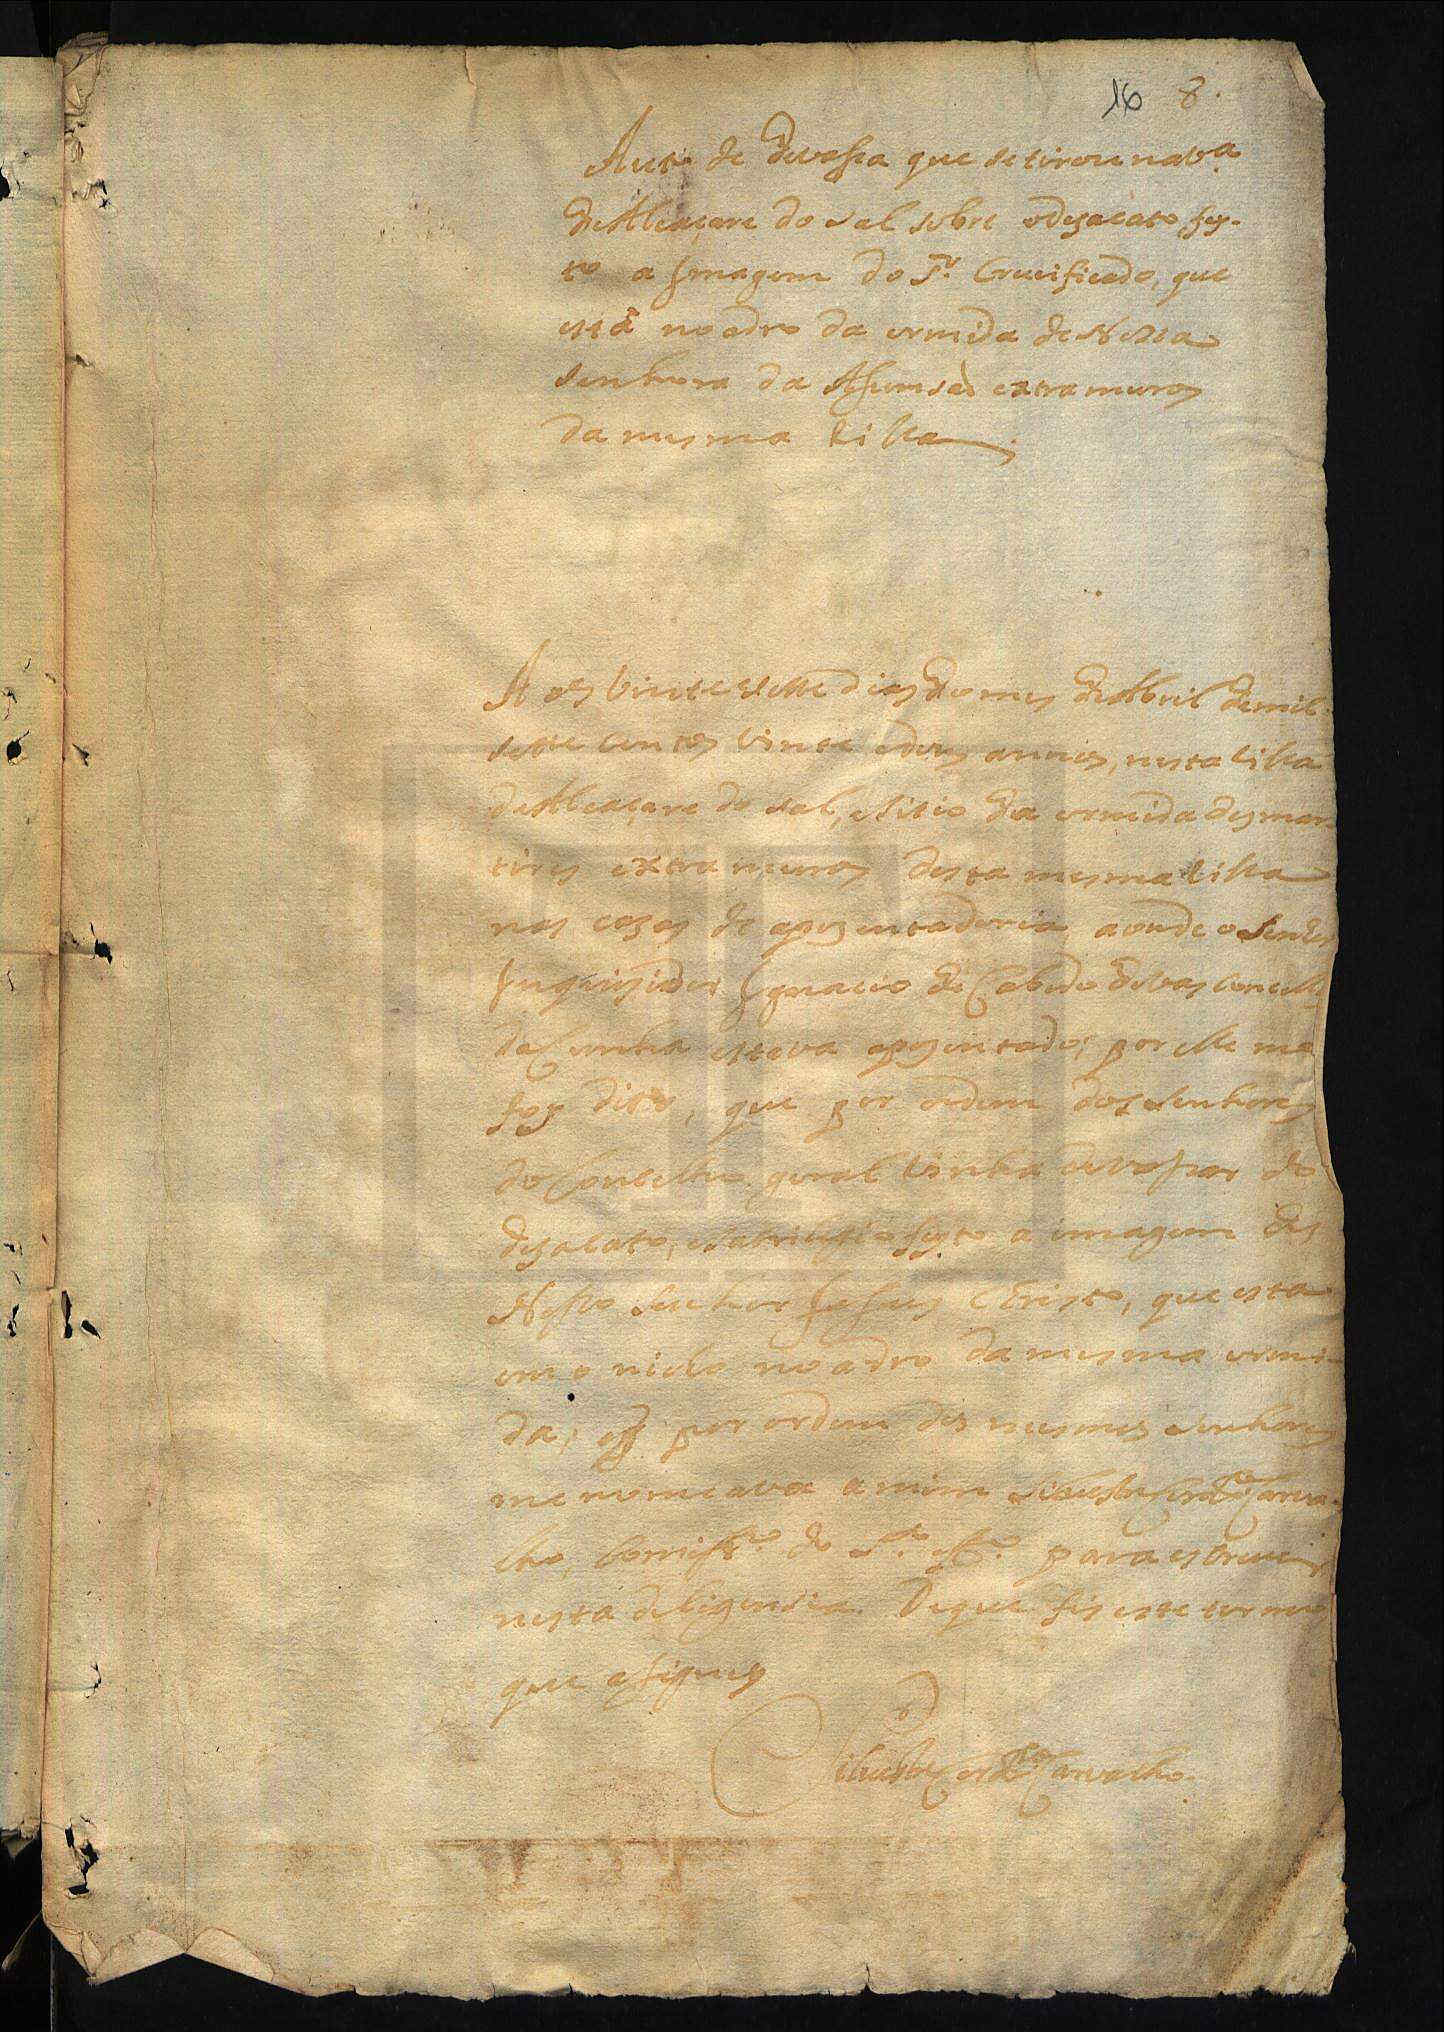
8
Auto de devassa que se tirou na v.a
de Alcacere do sal sobre o desacato fey
to a Jmagem do S.or Crucificado, que
está no adro da ermida de Nossa
senhora da Asumsaõ extramuros
da mesma villa
Aos vinte e sette dias do mes de Abril de mil
settecentos vinte e dous annos, nesta villa
de Alcacere do sal, e sitio da ermida dos mar
tires extramuros desta mesma villa
nas cazas de apozentadoria, aonde o Senhor
Jnquizidor Jgnacio de Cabedo de vasconcellos
da Cunha estava apozentado, por elle me
foy dito, que por ordem dos senhores
do Conselho geral vinha devassar do
desacato, e sacrilegio a imagem de
Nosso Senhor Jesus christo, que esta
em o nicho no adro da mesma ermi
da, e q̄ por ordem dos mesmos senhores
me nomeava a mim Silvestre Cord̄.o Carua
lho, Comisr.o do s.to off.o para escreuer
nesta diligensia. De que fis este termo
que asigney
Siluestre Cord̄ro Carvalho.
